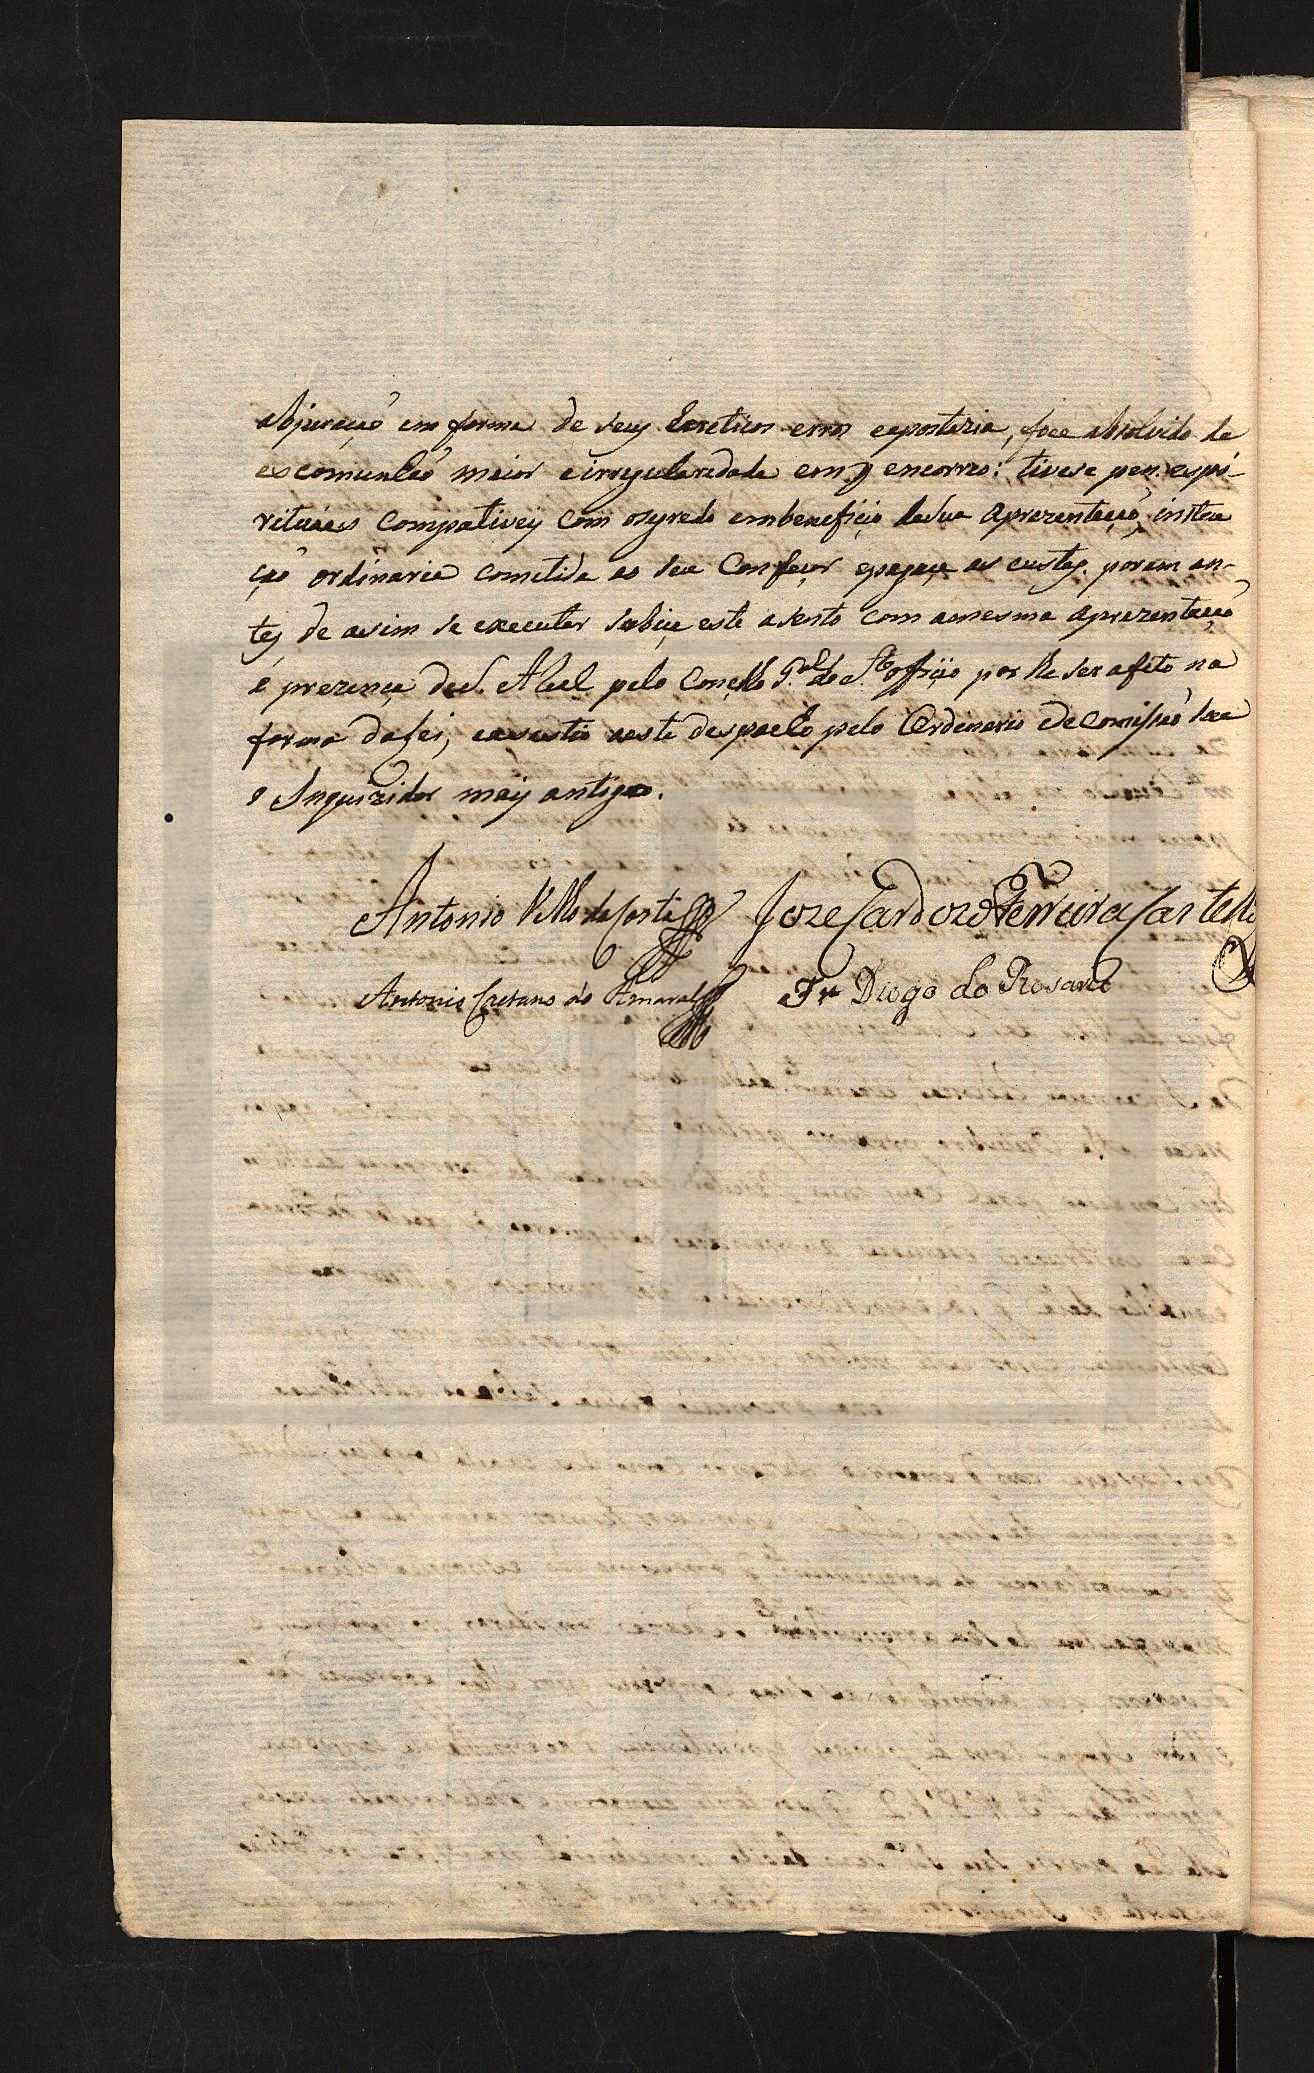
abjuraçaõ em forma de seus hereticos erros e apostazia, foce absolvido de
excomunhaõ maior, e irregularedade em q̄ encorreo: tivese pen. expi
rituaes compativeis com o segredo em beneficio da sua aprezentaçaõ, instru
ção ordinaria cometida ao seu Confeçor e pagace as custas. porem an
tes de asim se executar subice este asento com a mesma aprezentaçaõ
e prezença de S. A Real pelo Concelho G.al do S.to officio por lhe ser afeto na
forma da Lei, e asestio a este despacho pelo Ordinario de comissaõ sua
e Inquizidor mais antigo.
Antonio Velho de Costa Joze Cardozo Ferreira Castello
Antonio Caetano do Amaral Fr Diogo do Rosario
